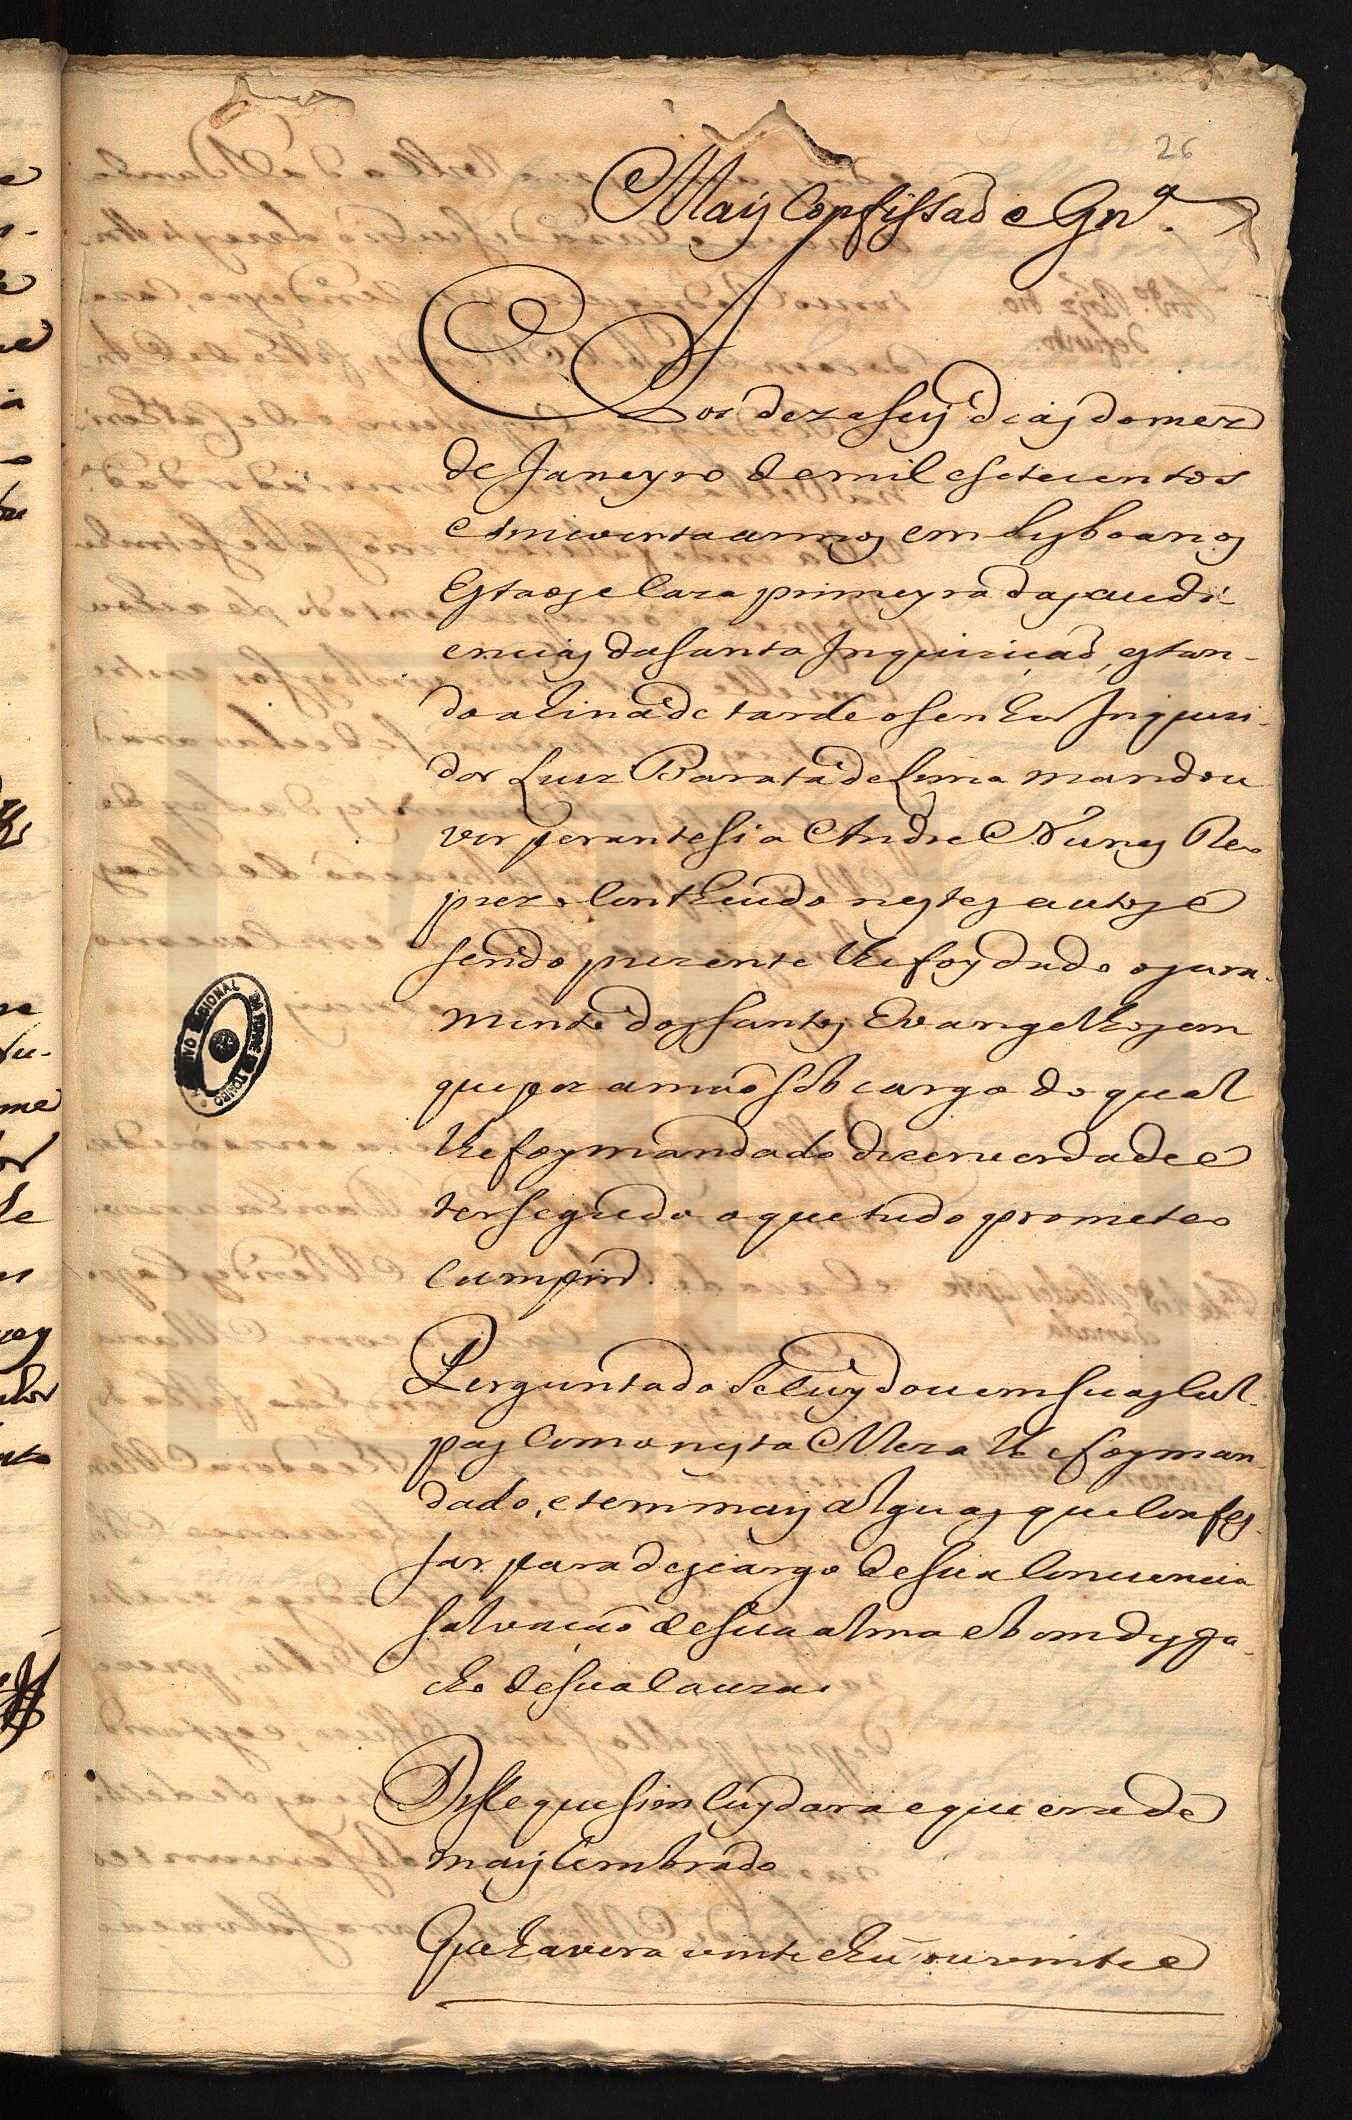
Mais Confissaõ e Gn.a
Aos dezaseis dias do mez
de Janeyro de mil e setecentos
e sincoenta annos em Lisboa nos
Estaos e Caza primeyra das audi
encias da santa Jnquiziçaõ, estan
do ahi na de tarde o senhor Jnquizi
dor Luiz Barata de Lima mandou
vir perante si a Andre Nunes Re
prezo e Contheudo nestes autos e
sendo prezente lhe foy dado o jura
mento dos santos Evangelhos em
que poz a maõ sob cargo do qual
lhe foy mandado dizer uerdade
ter segredo o que tudo prometeo
Cumprir.
Perguntado se Cuydou em suas Cul
pas Como nesta Meza lhe foy man
dado, e tem mais alguas que Confes
sar para descargo de sua Conciencia
salvaçaõ de sua alma e bom despa
cho de sua Cauza.
Disse que sim Cuydara e que era de
mais lembrado
Que havera vinte e hū ou vinte e
